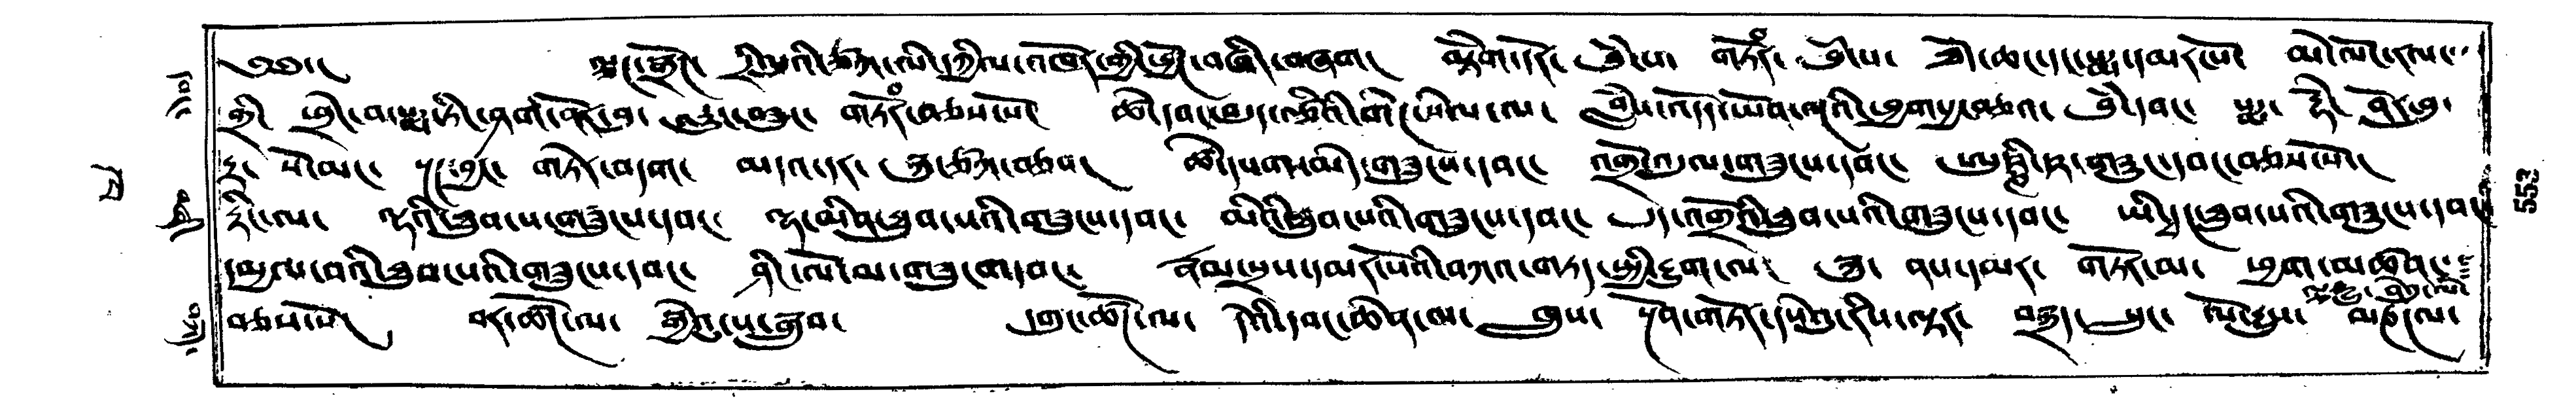ལྕགས་སྒྲོག དྲིལ་བུའི་ཙཀ་ལི་དཀྱིལ་འཁོར་གྱི་པྱོགས་བཞིར་བཞག མེ་ཏོག་དོར། བུ་པ། གཏོར་མ། བུམ་པ། ཐོད་ཆང་དང་པདྨ་དམར་པོ། མེ་ལོང་རལ་
གྲི། ཕྲེང་བ། པདྨ། ཏིང་ཤག ནོར་བུ། རླུང་བཟུང་། གཏོར་མ་བཅས་སོ། ཚེ་དབང་བདུད་རྩིའི་གེགས་སེལ་ལ། བླ་མས་འདོད་ཡོན་ལྔའི་ཕྱག་རྒྱ་བཅའ། བུམ་དབང་། པདྨ། རྡོ་རྗེ། ནོར་བུ། 
རྟ། སོ་མང་། སྔགས་བྱང་། གཏེར་བདག། མདའ་དར། སྐུ་ཙཀ་བཅས། ཚེ་དཔག་མེད་གཟུངས་དབང་། འགྲོ་འདུལ་གཟུངས་དབང་། ཨུཥྞི་ར་གཟུངས་དབང་བཅས་སོ། 
ཚ་རྟིང་ལ། ལྷའི་ཐུབ་པའི་གཟུངས་དབང་། ལྷ་མིན་ཐུབ་པའི་གཟུངས་དབང་། མིའི་ཐུབ་པའི་གཟུངས་དབང་། དུད་འགྲོའི་ཐུབ་པའི་གཟུངས་དབང་། ཡི་དྭགས་ཐུབ་པའི་གཟུངས་དབང་། 
དམྱལ་བའི་ཐུབ་པའི་གཟུངས་དབང་། ཤིང་ལོ་མའི་གཟུངས་དབང་། རྣམ་སྲས་དམར་པོའི་བཀའ་གཏད་སྤྱི་རྒྱུག་ལ། སྐུ་ནས་དམར། གཏོར་མ། ཕྱག་མཚན་ལྕགས་ཀྱུ་ནོར་བུ་ལེ་
བཅས་སོ། བར་ཚོགས་ལ། སྐྱེའུ་སྒྲུབ། དགུར་ཚོགས་སྐབས་དེའི་དབང་ཆེན་ལ། ཁྲུས། སྔོན་གཏོར་དཔེའུ་རིས་ལྟར། བསྐྲད། སྲུང་། ལོ་རྒྱུས། མཎྜལ།